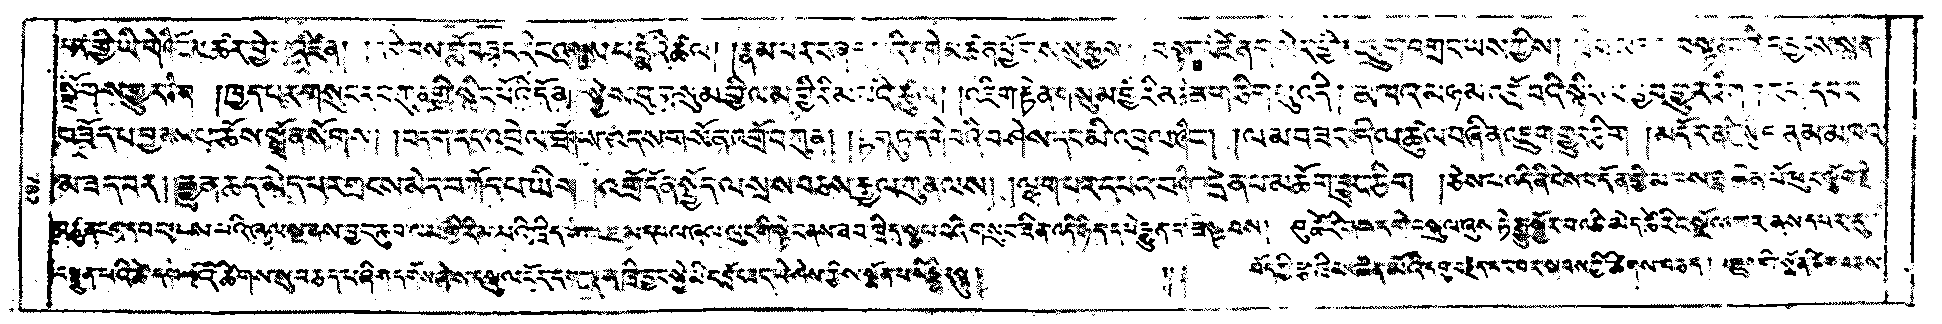པར་གྱི་ཡི་གེའི་ངོ་མཚར་བྱེ་བ་འཛིན། །དགེ་བས་བློ་བཟང་རིང་ལུགས་པདམོའི་ཚལ། །རྣམ་པར་བཞད་པའི་དགེ་མཚན་ཕྱོགས་སུ་རྒྱས། །བསྟན་འཛིན་གསེར་གྱི་རྐང་དྲུག་བགྲང་ཡས་ཀྱིས། །ཐེག་མཆོག་བསྟན་པའི་དབྱངས་སྙན་
སྒྲོགས་གྱུར་ཅིག །ཁྱད་པར་གསུང་རབ་ཀུན་གྱི་སྙིང་པོའི་དོན། །སྐྱེས་བུ་གསུམ་གྱི་ལམ་གྱི་རིམ་པའི་ཚུལ། །འཇིག་རྟེན་གསུམ་གྱི་རིན་ཆེན་གཅིག་པུ་འདི། །མཁའ་མཉམ་འགྲོ་བའི་སྙིང་ལ་ཁྱབ་གྱུར་ཅིག །ངག་དབང་
བཟོད་པ་བྱམས་པ་ཆོས་སྒྲོན་སོགས། །བདག་དང་འབྲེལ་ཐོགས་འདས་གསོན་འགྲོ་བ་ཀུན། །རྟག་ཏུ་དགེ་བའི་བཤེས་དང་མི་འབྲལ་ཞིང་། །ལམ་བཟང་འདི་ལ་ཚུལ་བཞིན་འཇུག་གྱུར་ཅིག །མདོར་ན་ཇི་སྲིད་ནམ་མཁའ་
མ་ཟད་བར། །རྒྱུན་ཆད་མེད་པར་གྲངས་མེད་བཀོད་པ་ཡིས། །འགྲོ་དོན་སྤྱོད་ལ་སྲས་བཅས་རྒྱལ་ཀུན་ལས། །ལྷག་པར་དཔའ་བའི་འདྲེན་པ་མཆོག་གྱུར་ཅིག །ཅེས་པ་འདི་ནི་ངེས་པ་དོན་གྱི་མཁས་གྲུབ་ཆེན་པོ་ཕུར་ལྕོག་རྗེ་
བཙུན་ངག་དབང་བྱམས་པའི་ཞལ་སྔ་ནས་བྱང་ཆུབ་ལམ་གྱི་རིམ་པའི་ཁྲིད་ཡིག་འཇམ་དཔལ་ཞལ་ལུང་གི་སྟེང་ནས་ཟབ་ཁྲིད་སྩལ་བའི་གསུང་ཟིན་འདི་ཉིད་དཔེ་རྒྱུན་དཀོན་སྟབས། བུ་ཚེ་རིང་ནས་དགེ་བསྐུལ་ཞུས་ཏེ་རྒྱུ་སྦྱོར་བ་འཆི་མེད་ཚེ་རིང་སྒྲོལ་དཀར་ནས་དཔར་དུ་
བསྐྲུན་པའི་ཚེ་དགེ་བསྔོའི་ཚིགས་སུ་བཅད་པ་ཞིག་དགོས་ཞེས་བསྐུལ་ངོར་དགའ་ལྡན་ཁྲི་བྱང་སྐྱེ་མིང་བློ་བཟང་ཡེ་ཤེས་ཀྱིས་སྨོན་པ་སིདྡྷི་རསྟུ།། །། ༈ བོད་ཀྱི་རྩ་ཁྲིམས་ཆེན་མོའི་དབུ་བརྗོད་དང་བར་སྐབས་ཀྱི་ཚིགས་བཅད། མཇུག་གི་སྨོན་ཚིག་བཅས་